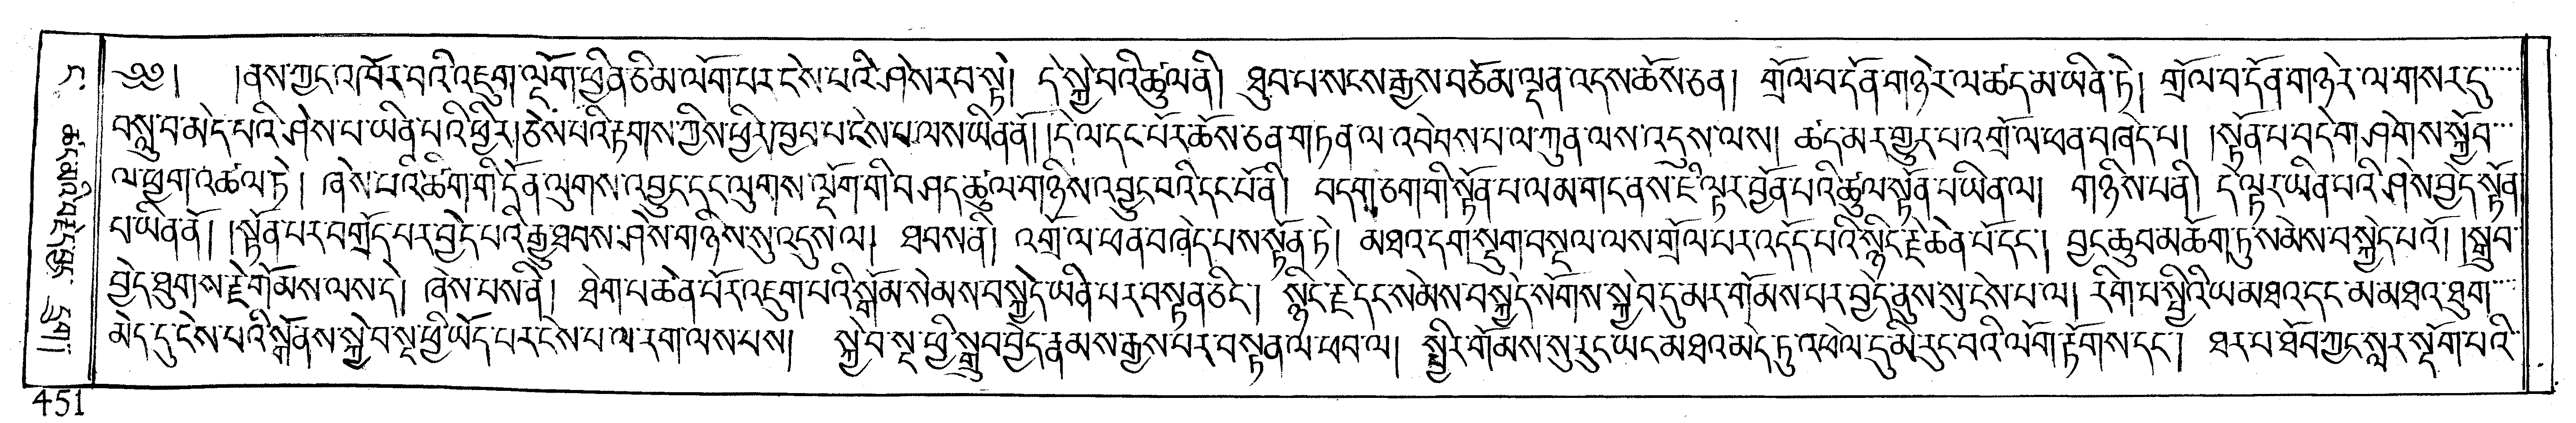༄༅། །ནས་ཀྱང་འཁོར་བའི་འཇུག་ལྡོག་ཕྱིན་ཅི་མ་ལོག་པར་ངེས་པའི་ཤེས་རབ་སྟེ། དེ་སྐྱེ་བའི་ཚུལ་ནི། ཐུབ་པ་སངས་རྒྱས་བཅོམ་ལྡན་འདས་ཆོས་ཅན། གྲོལ་བ་དོན་གཉེར་ལ་ཚད་མ་ཡིན་ཏེ། གྲོལ་བ་དོན་གཉེར་ལ་གསར་དུ་
བསླུ་བ་མེད་པའི་ཤེས་པ་ཡིན་པའི་ཕྱིར། ཅེས་པའི་རྟགས་ཀྱིས་ཕྱིར་ཁྱབ་པ་ངེས་པ་ལས་ཡིན་ནོ། །དེ་ལ་དང་པོར་ཆོས་ཅན་གཏན་ལ་འབེབས་པ་ལ་ཀུན་ལས་བཏུས་ལས། ཚད་མར་གྱུར་པ་འགྲོལ་ཕན་བཞེད་པ། །སྟོན་པ་བདེ་གཤེགས་སྐྱོབ་
ལ་ཕྱག་འཚལ་ཏེ། ཞེས་པའི་ཚིག་གི་དོན་ལུགས་འབྱུང་དང་ལུགས་ལྡོག་གི་བཤད་ཚུལ་གཉིས་འབྱུང་བའི་དང་པོ་ནི། བདག་ཅག་གི་སྟོན་པ་ལམ་གང་ནས་ཇི་ལྟར་བྱོན་པའི་ཚུལ་སྟོན་པ་ཡིན་ལ། གཉིས་པ་ནི། དེ་ལྟར་ཡིན་པའི་ཤེས་བྱེད་སྟོན་
པ་ཡིན་ནོ། །སྟོན་པར་བགྲོད་པར་བྱེད་པའི་རྒྱུ་ཐབས་ཤེས་གཉིས་སུ་འདུས་ལ། ཐབས་ནི། འགྲོ་ལ་ཕན་བཞེད་པས་སྟོན་ཏེ། མཐའ་དག་སྡུག་བསྔལ་ལས་གྲོལ་བར་འདོད་པའི་སྙིང་རྗེ་ཆེན་པོ་དང་། བྱང་ཆུབ་མཆོག་ཏུ་སེམས་བསྐྱེད་པའོ། །སྒྲུབ་
བྱེད་ཐུགས་རྗེ་གོམས་ལས་དེ། ཞེས་པས་ནི། ཐེག་པ་ཆེན་པོར་འཇུག་པའི་སྒོམ་སེམས་བསྐྱེད་ཡིན་པར་བསྟན་ཅིང་། སྙིང་རྗེ་དང་སེམས་བསྐྱེད་སོགས་སྐྱེ་བ་དུ་མར་གོམས་པར་བྱེད་ནུས་སུ་ངེས་པ་ལ། རིག་པ་སྤྱིའི་ཡ་མཐའ་དང་མ་མཐའ་ཐུག་
མེད་དུ་ངེས་པའི་སྒོ་ནས་སྐྱེ་བ་སྔ་ཕྱི་ཡོད་པར་ངེས་པ་ལ་རག་ལས་པས། སྐྱེ་བ་སྔ་ཕྱི་སྒྲུབ་བྱེད་རྣམས་རྒྱས་པར་བསྟན་ལ་ཕབ་ལ། སྤྱིར་གོམས་སུ་རུང་ཡང་མཐའ་མེད་དུ་འཕེལ་དུ་མི་རུང་བའི་ལོག་རྟོགས་དང་། ཐར་པ་ཐོབ་ཀྱང་སླར་ལྡོག་པའི་